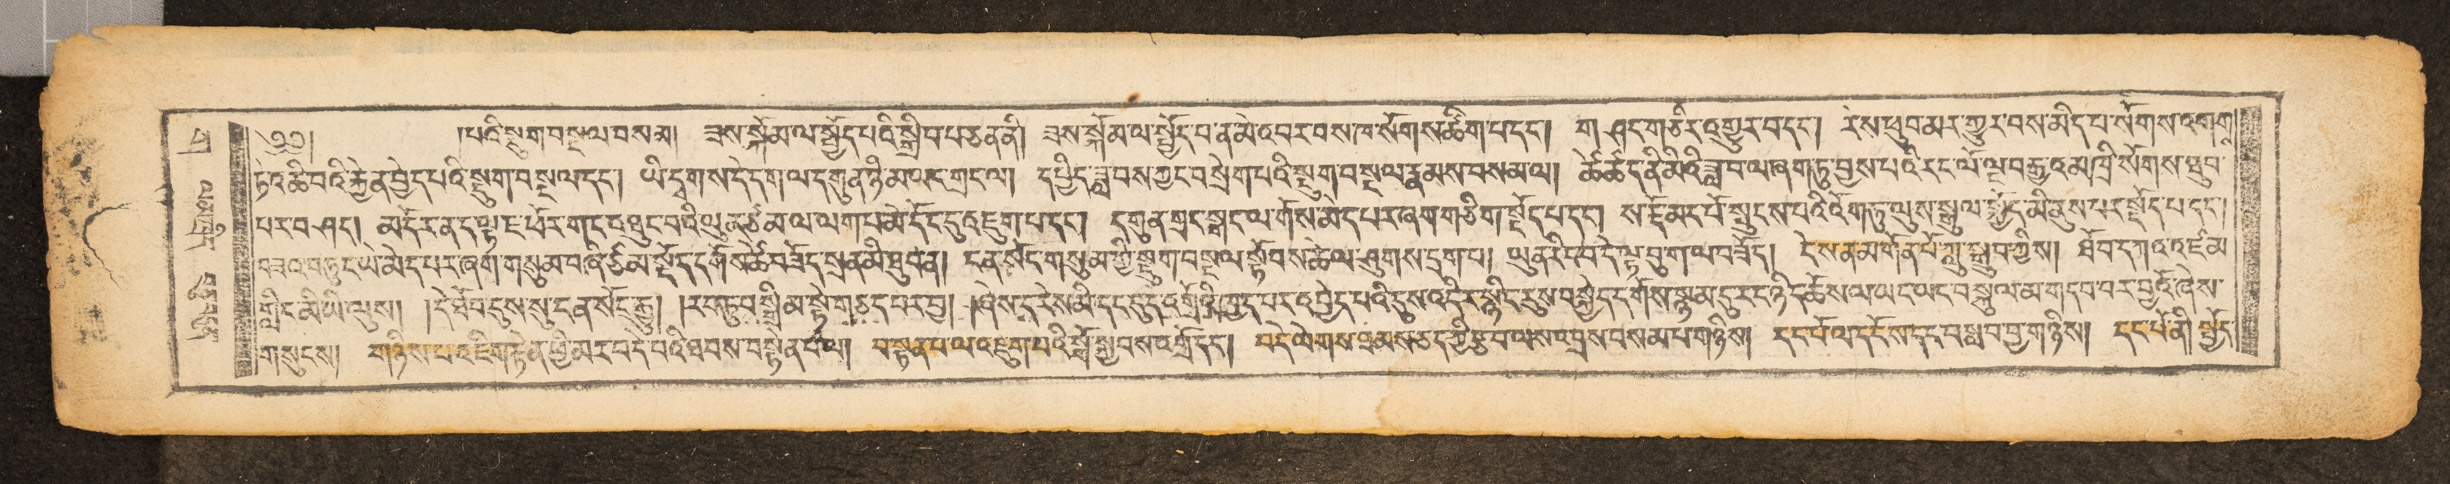༄༅། །པའི་སྡུག་བསྔལ་བསམ། །ཟས་སྐོམ་ལ་སྤྱོད་པའི་སྒྲིབ་པ་ཅན་ནི། །ཟས་སྐོམ་ལ་སྤྱོད་བ་ན་མེ་འབར་བས་ཁ་སོགས་ཚིག་པ་དང་། །གཤང་གཅིར་འགྱུར་བ་དང་། །རེས་ཕུབ་མར་གྱུར་བས་མིད་པ་སོགས་འགག་
ཏེ་འཆི་བའི་རྐྱེན་བྱེད་པའི་སྡུག་བསྔལ་དང་། །ཡི་དྭགས་དེ་དག་ལ་དགུན་ཉི་མ་ཡང་གྲང་ལ། །དཔྱིད་ཟླ་བས་གྱང་བསྲེག་པའི་སྡུག་བསྔལ་རྣམས་བསམ་ལ། །ཚེ་ཚད་ནི་མིའི་ཟླ་བ་ལ་ཞག་ཏུ་བྱས་པའི་རང་ལོ་ལྔ་བརྒྱ་འམ་ཁྲི་སོགས་ཐུབ་
པར་བཤད། །མདོར་ན་ད་ལྟ་ཇ་ཕོར་གང་འཐུང་བའི་ཡུན་ཙམ་ལ་ལག་པ་མེ་དོང་དུ་འཇུག་པ་དང་། །དགུན་གྲང་སྒང་ལ་གོས་མེད་པར་ཞག་གཅིག་སྡོད་པ་དང་། །ས་རྡོ་མང་བོ་སྤུངས་པའི་འོག་ཏུ་ལུས་སྒུལ་སྐྱོང་མི་ནུས་པར་སྡོད་པ་དང་།
བཟའ་བཏུང་ཡེ་མེད་བར་ཞག་གསུམ་བཞི་ཙམ་སྡོད་དགོས་ཚེ་བཟོད་སྲན་མི་ཐུབ་ན། །ངན་སོང་གསུམ་གྱི་སྡུག་བསྔལ་སྟོབས་ཆེ་ལ་ཤུགས་དྲག་བ། །ཡུན་རིང་བ་དེ་ལྟ་བུ་ག་ལ་བཟོད། །དེས་ན་མགོན་པོ་ཀླུ་སྒྲུབ་ཀྱིས། །ཐོབ་དཀའ་འཛམ་
གླིང་མི་ཡི་ལུས། །དེ་ཐོབ་དུས་སུང་ན་སོང་རྒྱུ། །རབ་ཏུ་བསྒྲིམ་སྟེ་གཅད་བར་བྱ། །ཞེས་ད་རེས་མི་དང་དུད་འགྲོའི་ཁྱད་པར་འབྱེད་བའི་དུས་འདིར་སྙིང་རུས་བསྐྱེད་དགོས་སྙམ་དུ་རང་ཉིད་ཆོས་ལ་ཡང་ཡང་བསྐུལ་མ་གདབ་པར་བྱའོ་ཞེས་
གསུངས། །གཉིས་པ་འཇིག་རྟེན་ཕྱི་མར་བདེ་བའི་ཐབས་བསྟེན་པ་ལ། །བསྟན་པ་ལ་འཇུག་པའི་སྒོ་སྐྱབས་འགྲོ་དང་། །བདེ་ལེགས་ཐམས་ཅད་གྱི་རྩ་བ་ལས་འབྲས་བསམ་པ་གཉིས། །དང་པོ་ལ་དངོས་དང་བསླབ་བྱ་གཉིས། །དང་པོ་ནི། སྤྱོད་